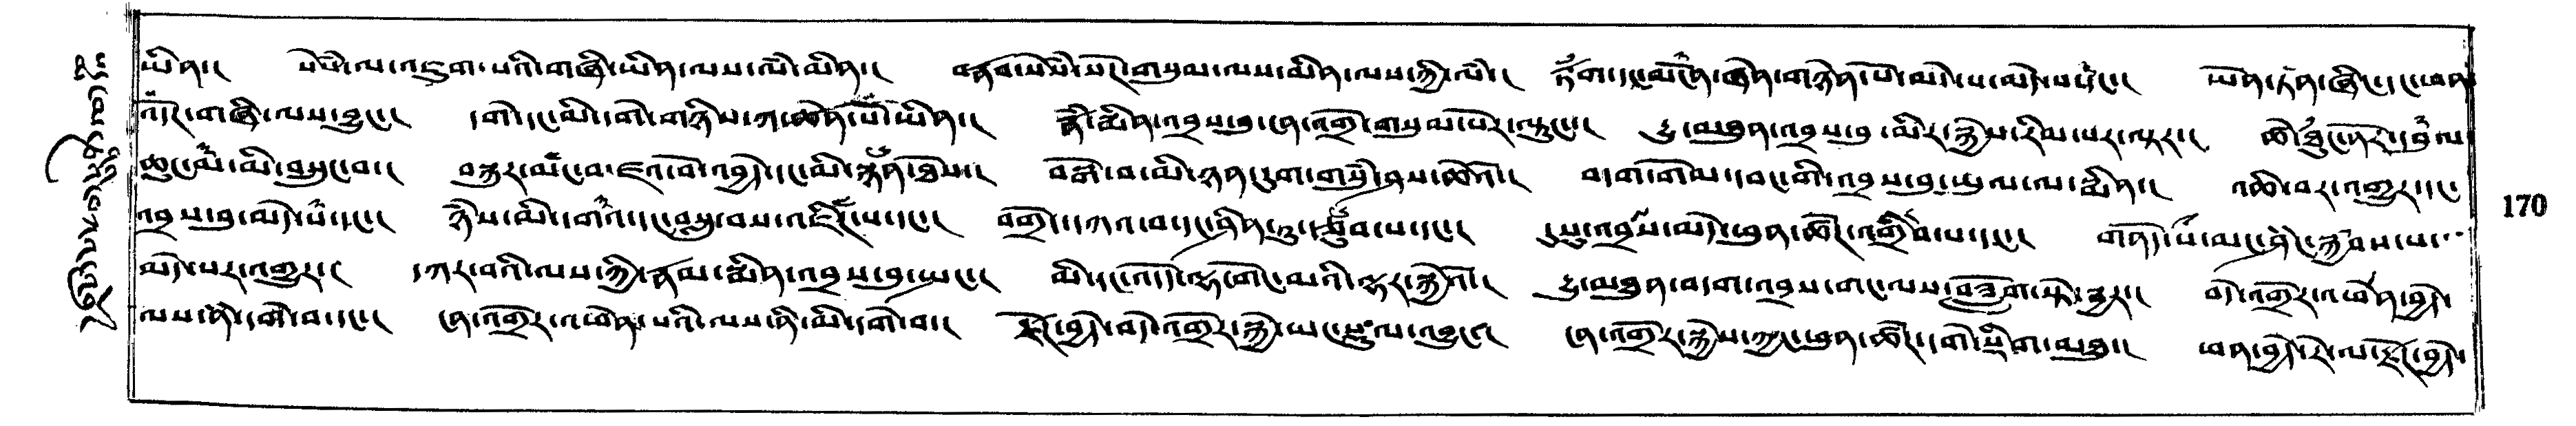ཡིན། །སེམས་ལ་འཇུག་པའི་གཞི་ཡིན་ལས་ལམ་མིན། །བརྣབ་སེམས་སོགས་གསུམ་ལས་མིན་ལས་ཀྱི་ལམ། །རྟག་དང་མངོན་ཞེན་གཉེན་པོ་མེད་པ་དང་། །ཡོན་ཏན་ཞིང་དང་ཕན་
འདོགས་གཞི་ལས་བྱུང་། །དགེ་དང་མི་དགེ་གཉིས་ཀ་ཆེན་པོ་ཡིན། །རྣམ་སྨིན་འབྲས་བུ་ངན་འགྲོ་གསུམ་པོར་ལྟུང་། །རྒྱུ་མཐུན་འབྲས་བུ་མིར་སྐྱེས་རིམ་པ་ལྟར། །ཚེ་ཐུང་ནོར་དབུལ་
ཆུང་མ་མི་བསྲུང་བ། །བསྐུར་མང་མཛའ་བོ་འབྱེད་དང་མི་སྙན་ཐོས། །བསྒོ་བ་མི་ཉན་དུག་གསུམ་ཤས་ཆེའོ། །བདག་གོམས་དབང་གིས་འབྲས་བུ་ཡུལ་ལ་སྨིན། །འཆི་བར་འགྱུར་དང་
འབྲས་བུ་མེད་པ་དང་། །ཉམས་མི་དགའ་དང་བསླུ་བས་འཇིགས་པ་དང་། །འགྲོད་དཀའ་བ་དང་ཤིན་ཏུ་རྩུབ་པ་དང་། །དུས་སུ་འབྲས་མེད་ཕུན་ཚོགས་འགྲིབ་པ་དང་། །གནོད་པ་མང་ཤིང་སྐྱོབས་པ་
མེད་པར་འགྱུར། །དཀར་པོའི་ལས་ཀྱིས་རྣམ་སྨིན་འབྲས་བུ་སྤང་། །མི་དང་འདོད་ལྷ་གོང་མའི་ལྷར་སྐྱེའོ། །རྒྱུ་མཐུན་བདག་འབྲས་གང་ལས་བཟློག་སྟེ་སྦྱར། །བདེ་འགྲོར་འཕེན་བྱེད་
ལས་ནི་དགེ་བ་དང་། །ངན་འགྲོར་འཕེན་པའི་ལས་ནི་མི་དགེ་བ། །རྫོགས་བྱེད་བདེ་འགྲོར་སྐྱེ་ཡང་སྡུག་བསྔལ་འབྱུང་། །ངན་འགྲོར་སྐྱེས་ཀྱང་ཕུན་ཚོགས་དགེ་སྡིག་མཐུ། །ཕན་བྱེད་རེ་ལ་རྫོགས་བྱེད་